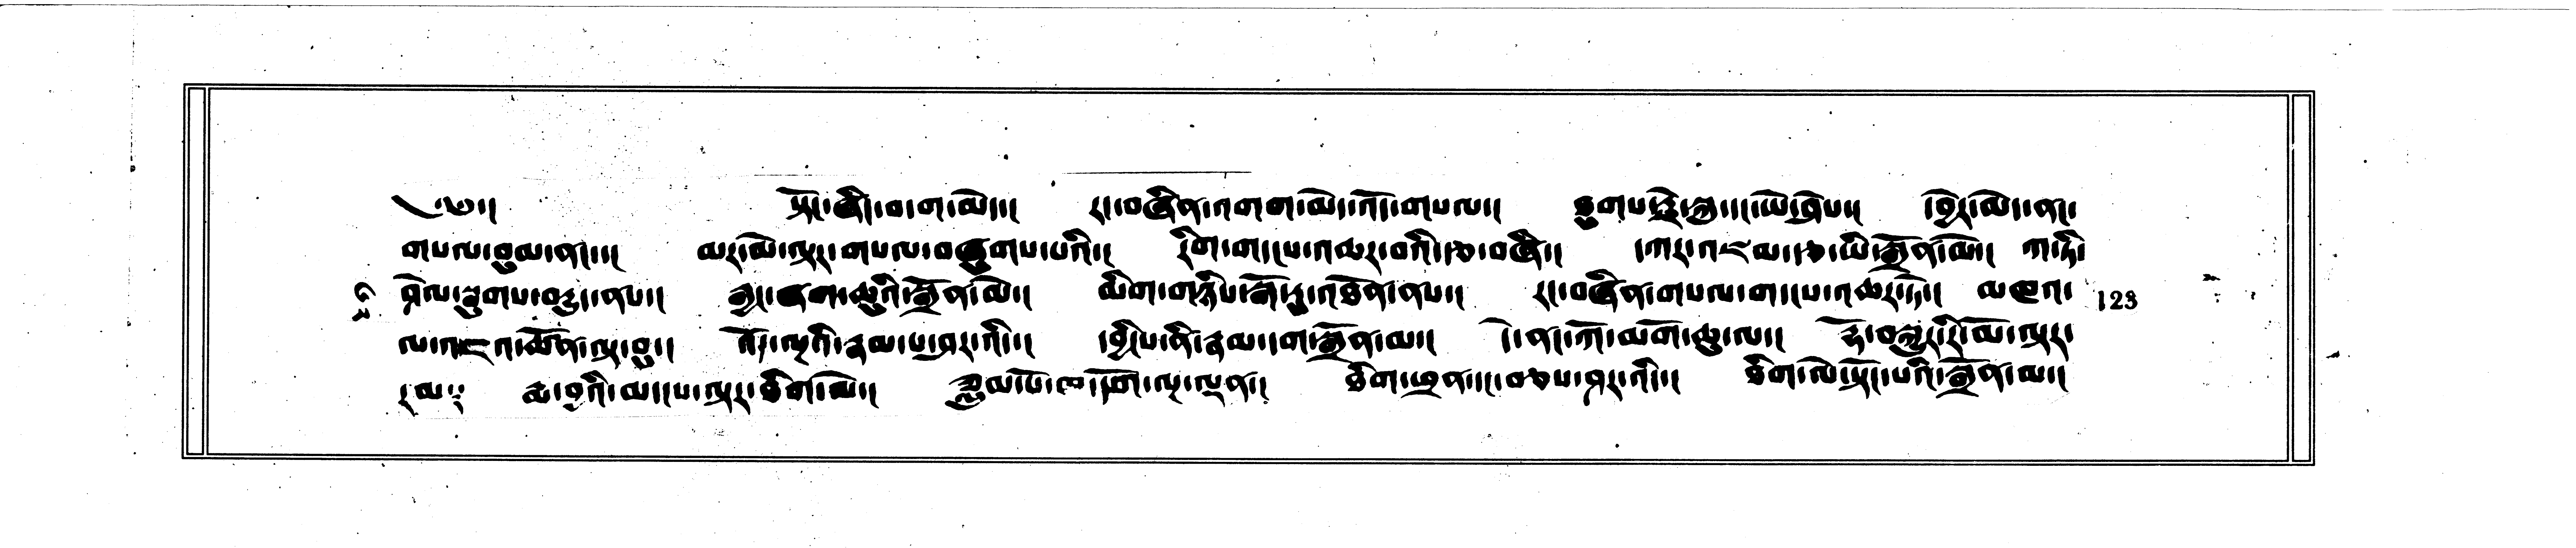སྟོང་ཞིང་བདག་མེད། །རང་བཞིན་འགག་མེད་འོད་གསལ། །ཐུགས་རྗེ་སྐུ་དང་ཡེ་ཤེས། །དབྱེར་མེད་ནང་
གསལ་བུམ་ནང་། །མར་མེ་ལྟར་གསལ་བཞུགས་པའི། །རིག་གདངས་འཆར་བའི་རྩ་བཞི། །དཀར་འཇམ་རྩ་ཡི་སྒྲོན་མེ། །ཀ་ཏི་
ཤེལ་སྦུགས་བརྒྱུད་ནས། །རྒྱང་ཞག་ཆུ་ཡི་སྒྲོན་མེ། །མིག་གཉིས་སྒོ་རུ་འཐོན་ནས། །རང་བཞིན་གསལ་དངས་འཆར་ཏེ། །མཁའ་
ལ་འཇའ་ཚོན་ལྟ་བུ། །འོད་ལྔའི་རྣམ་པ་ཤར་འདི། །དབྱིངས་ནི་རྣམ་དག་སྒྲོན་མ། །དེ་ནང་ཀོ་མགོ་ཆུ་ལ། །རྡོ་བསྐྱུར་རི་མོ་ལྟར་
རམ། །རྨ་བྱའི་མདོངས་ལྟར་ཐིག་ལེ། །ཟླུམ་པོ་ཁ་དོག་ལྔ་ལྡན། །ཐིག་ཕྲན་དང་བཅས་ཤར་འདི། །ཐིག་ལེ་སྟོང་པའི་སྒྲོན་མ། །